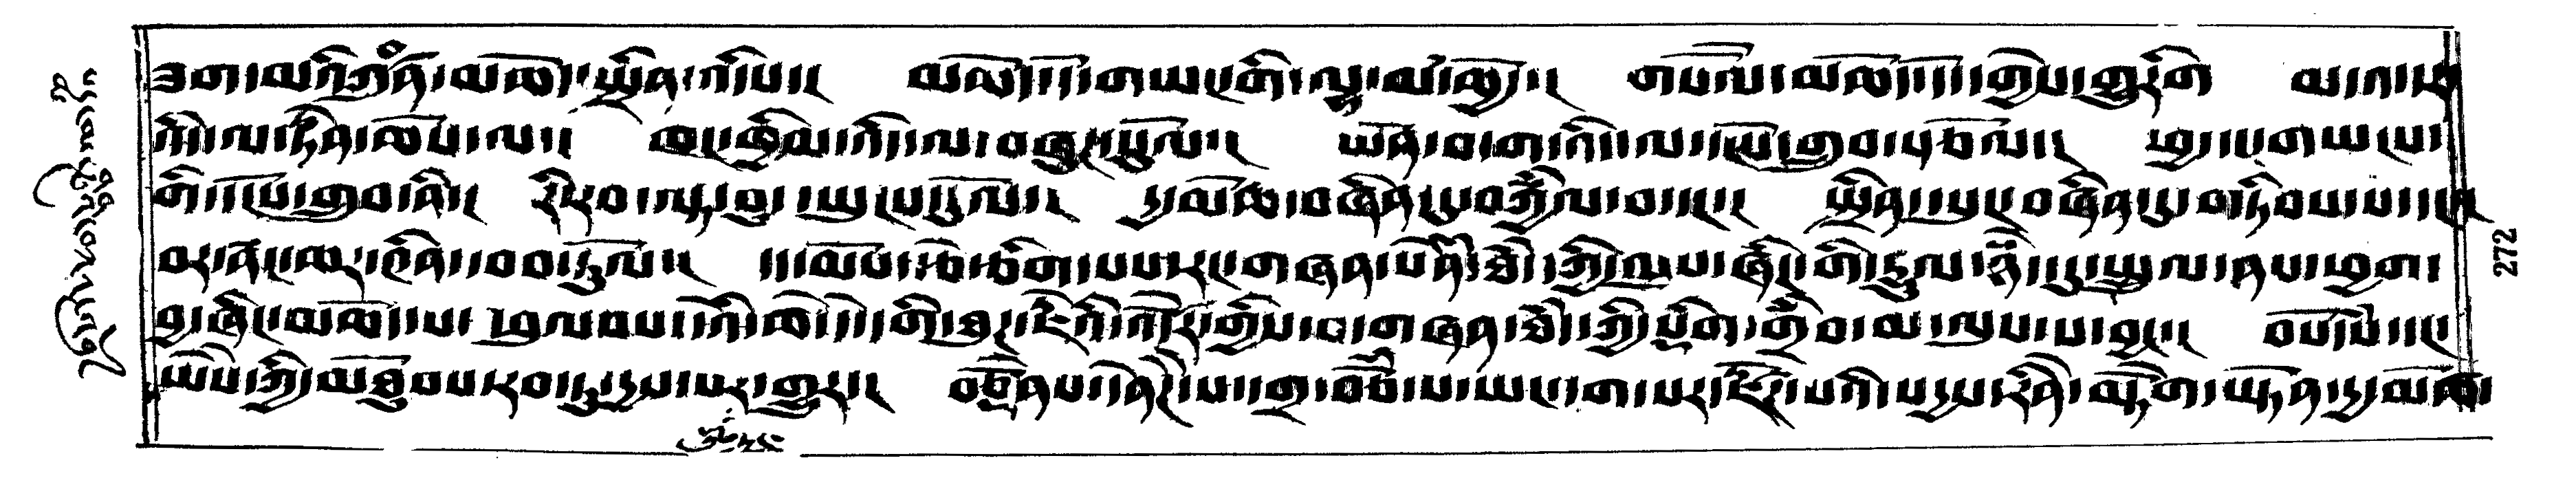།ཟག་མེད་ཀུན་བཟང་མཆོད་སྤྲིན་འདིས། །མཆོད་དོ་གཡང་གི་ལྷ་ཚོགས་མཆོད། །གསོལ་ལོ་མཆོད་དོ་དགྱེས་གྱུར་ཅིག །མདའ་དར་
འདི་ལ་རྟེན་ཆོས་ལ། །ཁང་ཁྱིམ་འདི་ལ་བཞུགས་སུ་གསོལ། །ཡོན་བདག་འདི་ལ་དངོས་གྲུབ་སྩོལ། ཕྱ་དང་གཡང་
གི་དངོས་གྲུབ་ནི། །རི་རབ་ལྟ་བུར་སྤུང་དུལ་གསོལ། །རྒྱ་མཚོ་བཞིན་དུ་བསྐྱིལ་བ་དང་། །སྤྲིན་དཔུང་བཞིན་དུ་གཏིབས་པ་དང་། །
བར་སྣང་ཆར་བཞིནདབབ་ཏུ་གསོལ། །དད་མོས་རྩེ་གཅིག་པས་རང་གཞན་སེམས་ཅན་ཐམས་ཅད་ཀྱི་ལུས་ཞིང་གི་རྡུལ་སྙེད་དུ་སྤྲུལ་ནས་ཕྱག་
བྱ་ཞིང་མཆོད་པ་ཕུལ་བས་དེ་དག་གི་ཐུགས་རྗེའི་འོད་ཟེར་གྱིས་བདག་ཞན་ཐམས་ཅད་ཀྱི་སྡིག་སྒྲིབ་མ་ལུས་པ་བྱང་། བསོད་ནམས་དང་
ཡེ་ཤེས་ཀྱི་མཐུ་སྟོབས་རབ་ཏུ་རྒྱས་པར་གྱུར། བཅོམ་ལྡན་འདས་དེ་བཞིན་གཤེགས་པ་དགྲ་བཅོམ་པ་ཡང་དག་པར་རྫོགས་པའི་སངས་རྒྱས་རིན་ཆེན་མེ་ཏོག་ཡོན་ཏན་རྒྱ་མཚོ་